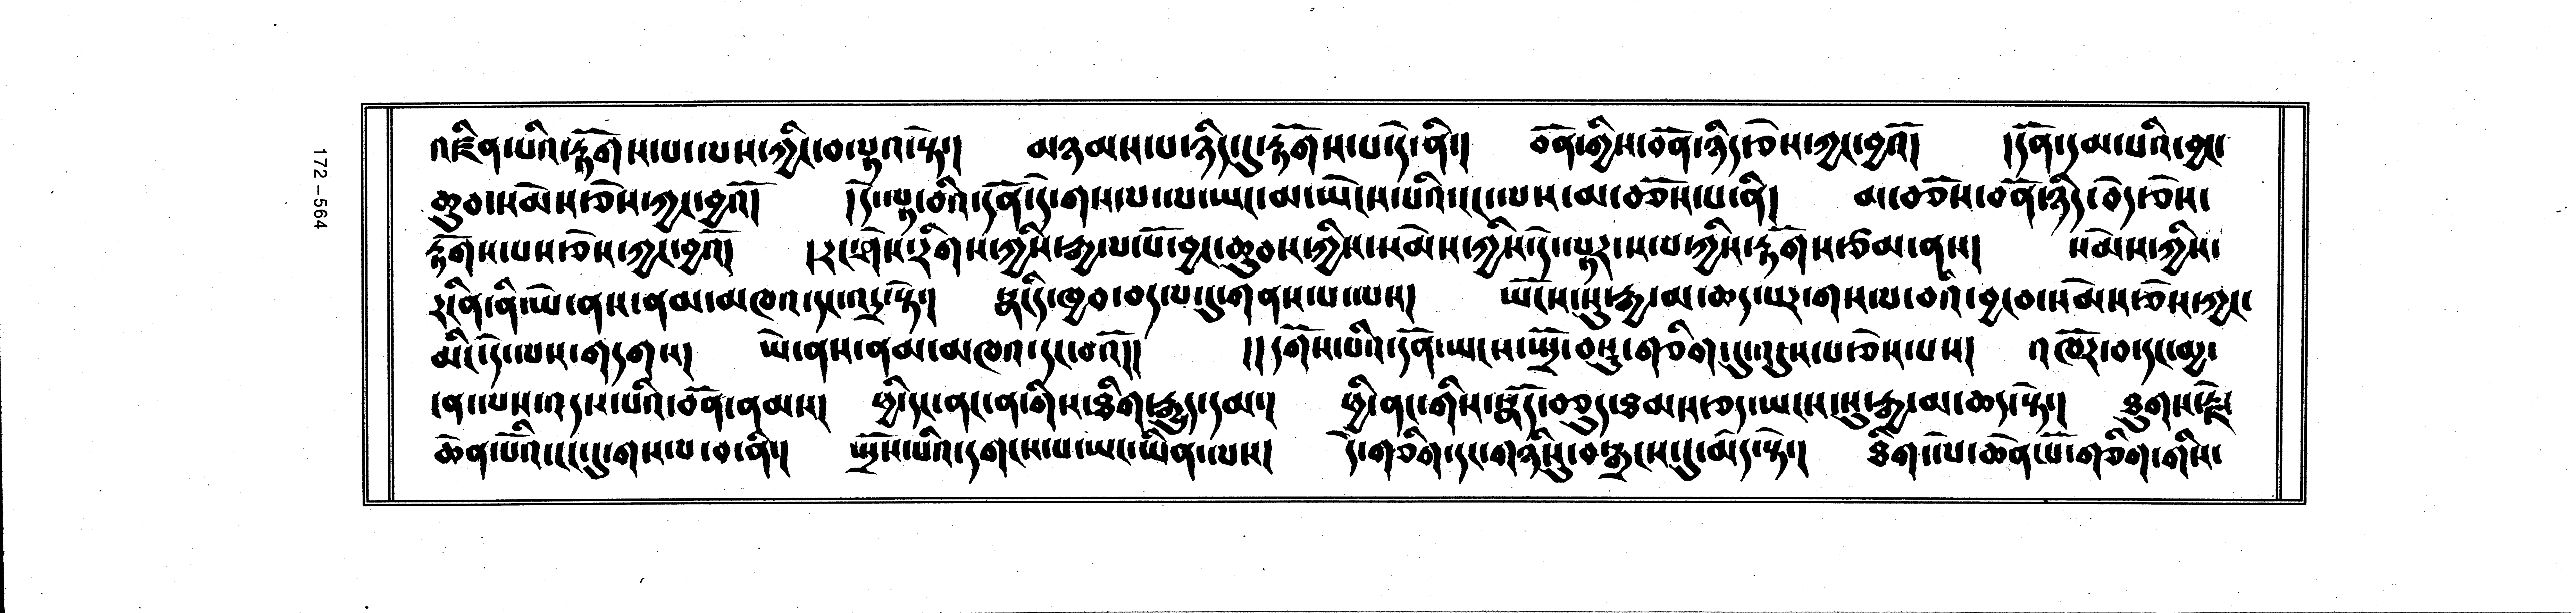འཛིན་པའི་རྟོགས་པ་ལས་ཀྱང་བལྟའ་སྟེ། མཉམ་པ་ཉིད་དུ་རྟོགས་པ་དེ་ནི། བོན་གྱིས་བོན་ཉིད་ཅེས་ཀྱང་བྱའོ། དོན་དམ་པའི་བྱང་
ཆུབ་སེམས་ཅེས་ཀྱང་བྱའོ། དེ་ལྟ་བའི་དོན་དེ་གསལ་ལ་ཡང་མ་གཡེངས་པའི་ངང་ལས་མ་བཅོས་པ་ནི། མ་བཅོས་བོན་ཉིད་བདེ་ཅེས་
རྟོགས་པས་ཅེས་ཀྱང་བྱའོ། རང་ཤེས་རིགས་ཀྱིས་རྒྱལ་པོ་བྱང་ཆུབ་ཀྱི་སེམས་དེ་ལྟར་སལ་ཀྱིས་རྟོགས་ཙམ་ནས། སེམས་ཀྱིས་
རང་བཞིན་ནི་ཡེ་ནས་ནམ་མཁའ་དང་འདྲ་སྟེ། སྣང་སྲིད་ཁྱབ་བདལ་དུ་གནས་པ་ལས། ཡོངས་སུ་རྒྱ་མ་ཆད་པར་གསལ་བའི་བྱང་ཆུབ་སེམས་ཅེས་ཀྱང་
མིང་དེ་ལས་གདགས། ཡེ་ནས་ནམ་མཁའ་དྭངས་བའོ། དགོས་པའི་དོན་ཡངས་སྤྲོ་བསྡུ་གཅིག་འདུས་པ་ཅེས་པས། འཁོར་བ་དང་མྱ་
ངན་ལས་འདས་པའི་བོན་ནམ། ཕྱི་དང་ནང་གིས་ཐིག་རྒྱུད་དམ། ཕྱི་ནང་གིས་སྣོད་བཅུད་ཐམས་ཅད་ཡོངས་སུ་རྒྱ་མ་ཆད་སྟེ། ཐུགས་རྗེ་
ཆེན་པོའི་ངང་དུ་གསལ་བ་ནི། སྤྲོས་པའི་དགོངས་པ་ཡང་ཡིན་ལས། དེ་གཅིག་དང་གཉིས་སུ་བགྲང་དུ་མེད་སྟེ། ཐིག་ལེ་ཆེན་པོ་གཅིག་གིས་